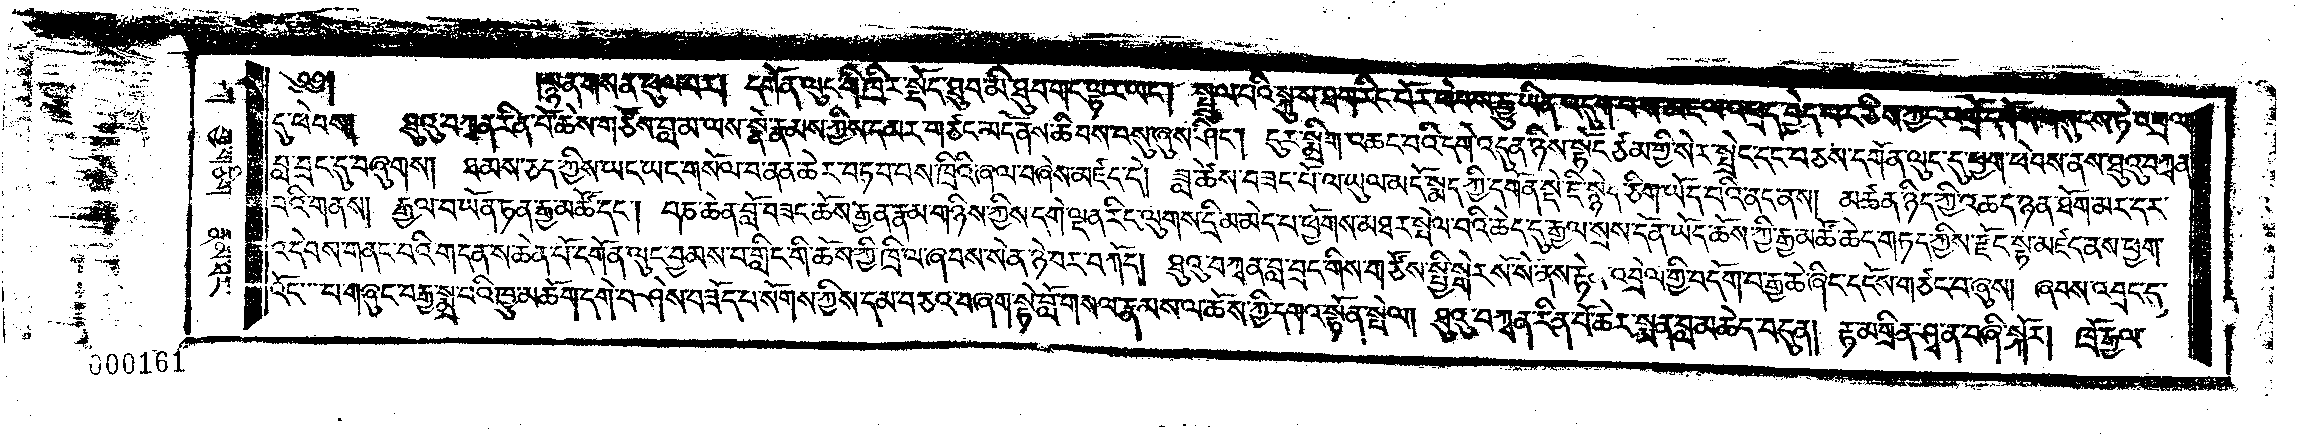༄༅། །སྙན་གསན་ཕུལ་བར། དགོན་ལུང་གི་ཁྲིར་སྡོད་ཐུབ་མི་ཐུབ་གང་ལྟར་ཡང་། སྤྲུལ་བའི་སྐུ་ས་ཐག་རིང་བོར་ཕེབས་རྒྱུ་ཡིན་འདུག་བས་མཇལ་འཕྲད་བྱེད་པར་ཅིས་ཀྱང་འགྲོ་དགོས་གསུངས་ཏེ་འཕྲལ་
དུ་ཕེབས། ཐུའུ་བཀྭན་རིན་པོ་ཆེས་གཙོས་བླ་མ་ལས་སྣེ་རྣམས་ཀྱིས་དམར་གཙང་མདོ་ནས་ཆིབས་བསུ་ཞུས་ཤིང་། དུར་སྨྲིག་འཆང་བའི་དགེ་འདུན་ཉིས་སྟོང་ཙམ་གྱི་སེར་སྤྲེང་དང་བཅས་དགོན་ལུང་དུ་ཕྱག་ཕེབས་ནས་ཐུའུ་བཀྭན་
བླ་བྲང་དུ་བཞུགས། ཐམས་ཅད་ཀྱིས་ཡང་ཡང་གསོལ་བ་ནན་ཆེར་བཏབ་བས་ཁྲིའི་ཞལ་པ་ཞེས་མཛད་དེ། ཟླ་ཚེས་བཟང་པོ་ལ་ཡུལ་མདོ་སྨད་ཀྱི་དགོན་སྡེ་ཇི་སྙེད་ཅིག་ཡོད་པའི་ནང་ནས། མཚན་ཉིད་ཀྱི་འཆད་ཉན་ཐོག་མར་དར་
བའི་གནས། རྒྱལ་བ་ཡོན་ཏན་རྒྱ་མཚོ་དང་། བཎ་ཆེན་བློ་བཟང་ཆོས་རྒྱན་རྣམ་གཉིས་ཀྱིས་དགེ་ལྡན་རིང་ལུགས་དྲི་མ་མེད་པ་ཕྱོགས་མཐར་སྤེལ་པའི་ཆེད་དུ་རྒྱལ་སྲས་དོན་ཡོད་ཆོས་ཀྱི་རྒྱ་མཚོ་ཆེད་གཏད་ཀྱིས་རྫོང་སྟ་མཛད་ནས་ཕྱག་
འདེབས་གནང་པའི་གདན་ས་ཆེན་པོ་དགོན་ལུང་བྱམས་པ་གླིང་གི་ཆོས་ཀྱི་ཁྲི་ལ་ཞབས་སེན་ཉེ་བར་བཀོད། ཐུའུ་བཀྭན་བླ་བྲང་གིས་གཙོས་སྤྱི་སྒེར་སོ་སེ་ནས་རྟེན་འབྲེལ་གྱི་བདོག་བ་རྒྱ་ཆེ་ཞིང་དངོས་གཙང་བཞུས། ཞབས་འབྲང་དུ་
འོང་པ་གཞུང་བརྒྱ་སྨྲ་བའི་ཁྱུ་མཆོག་དགེ་བཤེས་བཟོད་པ་སོགས་ཀྱིས་དམ་བཅའ་བཞག་སྟེ་བློ་གསལ་རྣམས་ལ་ཆོས་ཀྱི་དགའ་སྙོན་སྤེལ། ཐུའུ་བཀྭན་རིན་པོ་ཆེར་སྨན་བླ་མཆེད་བདུན། རྟ་མགྲིན་ཤྭ་ན་བཞི་སྐོར། ཁྲོ་རྒྱལ་